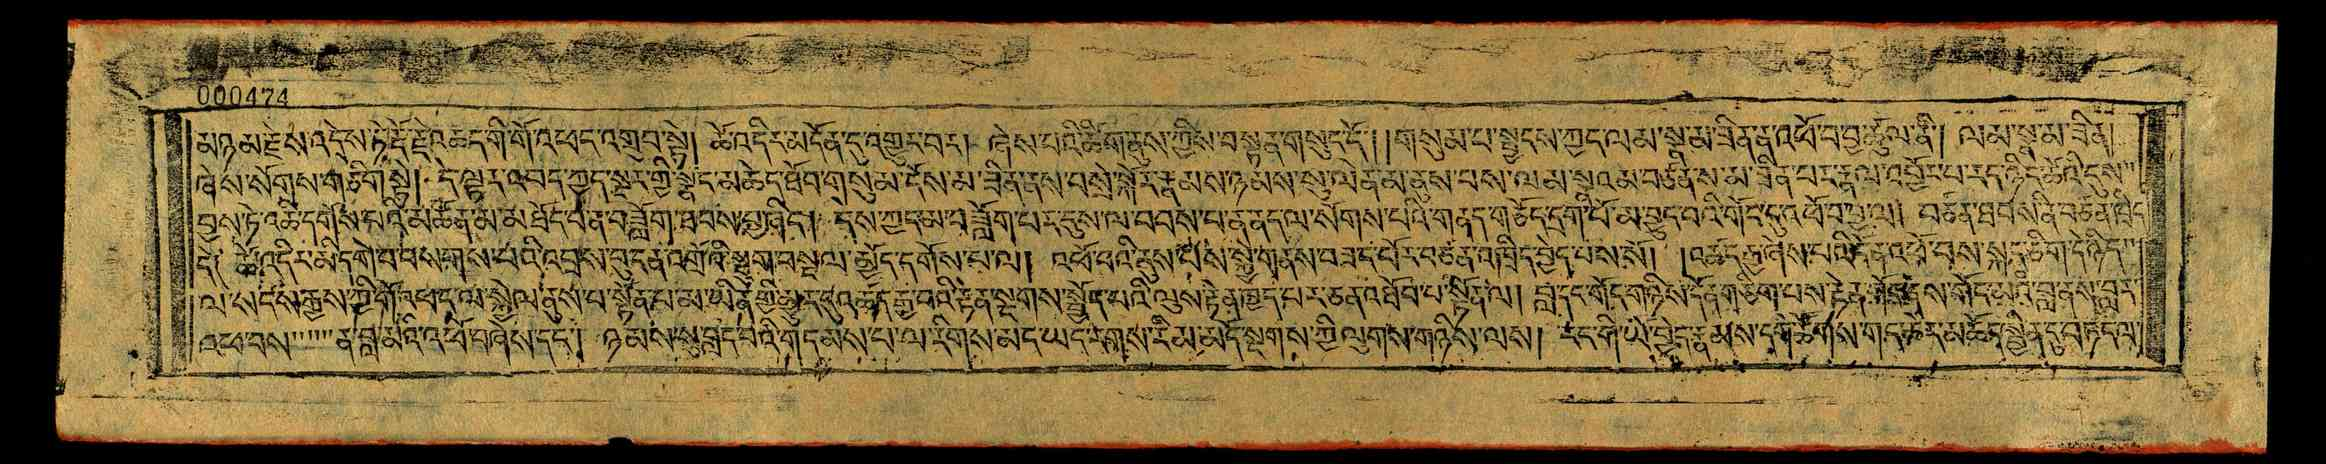མཉམ་རྗེས་འདྲེས་ཏེ་རྡོ་རྗེ་འཆང་གི་གོ་འཕང་འགྲུབ་སྟེ། ཚེ་འདིར་མངོན་དུ་འགྱུར་བར། ཞེས་པའི་ཚིག་ནུས་ཀྱིས་བསྟན་གསུང་ངོ། །གསུམ་པ་སྦྱངས་ཀྱང་ལམ་སྣ་མ་ཟིན་ན་འཕོ་བ་བྱ་ཚུལ་ནི། ལམ་སྣ་མ་ཟིན།
ཞེས་སོགས་གཅིག་སྟེ། དེ་ལྟར་འབད་ཀྱང་སྔར་གྱི་སྣང་མཆེད་ཐོབ་གསུམ་ངོས་མ་ཟིན་ནས་བསྲེ་སྐོར་རྣམས་ཉམས་སུ་ལེན་མ་ནུས་པས་ལམ་སྣའམ་བཙན་ས་མ་ཟིན་པར་རྣལ་འབྱོར་པ་རང་ཉིད་ཚེའི་དུས་
བྱས་ཏེ་འཆི་དགོས་པའི་མཚན་མ་མཐོང་བ་ན་བཟློག་ཐབས་བྱ་ཞིང་། དེས་ཀྱང་མ་བཟློག་པར་དུས་ལ་བབས་པ་ན་ནད་ལ་སོགས་པའི་གནད་གཅོད་དྲག་པོ་མ་བྱུང་བའི་གོང་དུ་འཕོ་བ་བྱ་ལ། བཙན་ཐབས་ནི་བཙན་ཁྲིད་
དེ༑ ཚེ་འདིར་མི་དགེ་བ་བསགས་པའི་འབྲས་བུ་ངན་འགྲོའི་སྡུག་བསྔལ་མྱོང་དགོས་པ་ལ། འཕོ་བའི་ནུས་པས་སྐྱེ་གནས་བཟང་པོར་བཙན་འཁྲིད་བྱེད་པས་སོ། །འཚང་རྒྱ་ཞེས་པའི་དོན་འཕོ་བས་སྐད་ཅིག་དེ་ཉིད་
ལ་སངས་རྒྱས་ཀྱི་གོ་འཕང་ལ་སྐྱེལ་ནུས་པ་སྟོན་པ་མ་ཡིན་གྱི་མྱུར་དུ་འཚང་རྒྱ་བའི་རྟེན་སྔགས་སྤྱོད་པའི་ལུས་རྟེན་ཁྱད་པར་ཅན་འཐོབ་པ་སྟོན་ལ། བླ་དང་གོང་གཉིས་དོན་གཅིག་པས་རྟེན་གོང་ནས་གོང་མའཾ་བླ་ནས་བླར་
འཕོ་བས་ན་བླ་མའི་འཕོ་བ་ཞེས་དང་། ཉམས་སུ་བླང་བའི་གདམས་པ་ལ་རིགས་མང་ཡང་རགས་རིམ་མདོ་སྔགས་ཀྱི་ལུགས་གཉིས་ལས། རང་གི་ཡོ་བྱེད་རྣམས་དགེ་ཚོགས་གང་ཆེར་མཆོད་སྦྱིན་དུ་བཏང་ལ་